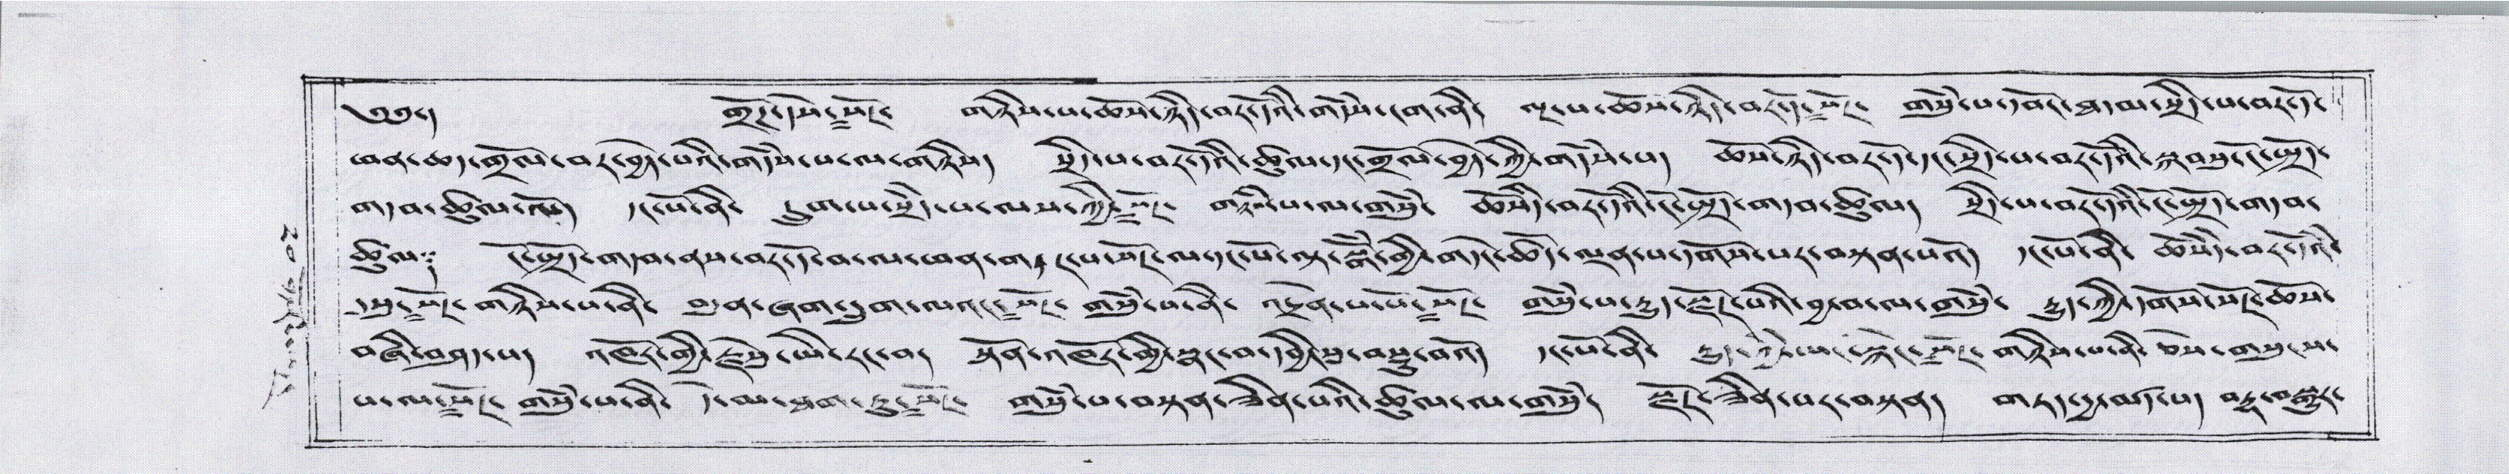གྲོགས་དེས་སོགས། གཉིས་པ་ཆོས་ཉིད་བར་དོའི་གདམས་ངག་ནི། ལྔ་པ་ཆོས་ཉིད་བར་དོ་སོགས། གསུམ་པ་དབང་པོ་ཐ་མ་སྲིད་པ་བར་དོ་
ཕན་ཆད་གྲོལ་བར་བྱེད་པའི་གདམས་པ་ལ་གཉིས། སྲིད་པ་བར་དོའི་ཚུལ་དང་གྲོལ་བྱེད་ཀྱི་གདམས་པ། ཆོས་ཉིད་བར་དོ་དང་སྲིད་པ་བར་དོའི་སྐབས་སུ་ངོ་སྤྲོད་
གདབ་ཚུལ་ལོ། དང་པོ་ནི། དྲུག་པ་སྲིད་པ་ལས་ཀྱི་སོགས། གཉིས་པ་ལ་གསུམ། ཆོས་ཉིད་བར་དོའི་ངོ་སྤྲོད་གདབ་ཚུལ། སྲིད་པ་བར་དོའི་ངོ་སྤྲོད་གདབ་
ཚུལ། ངོ་སྤྲོད་གདབ་ནས་བར་དོ་བ་ལ་ཕན་གཏགས་པ་སོགས་ལ་དང་པོ་ལྟ་སྒོམ་གྱི་གདེང་ཚོད་ལྡན་པ་དགོས་པར་བསྟན་པའོ། དང་པོ་ནི། ཆོས་ཉིད་བར་དོའི་
དུས་སུ་སོགས། གཉིས་པ་ནི། བདུན་ཞག་དྲུག་ལའང་སོགས། གསུམ་པ་ནི། འདྲེན་པ་པོ་སོགས། གསུམ་པ་རྒྱུད་རྫོགས་པའི་བྱ་བ་ལ་གསུམ། རྒྱུད་ཀྱི་དགོས་སོགས་ཆོས་
བཞི་བཤད་པ། འཁོར་གྱི་རྗེས་སུ་ཡི་རང་བ། སྟོན་འཁོར་གྱིས་སྣང་བ་དབྱིངས་སུ་བསྡུ་བའོ། དང་པོ་ནི། རྒྱུད་ཀྱི་ཡང་སྙིང་སོགས། གཉིས་པ་ནི། ཅེས་གསུངས་
པ་ལ་སོགས། གསུམ་པ་ནི། དེ་མ་ཐག་ཏུ་སོགས། གསུམ་པ་བསྟན་ཟིན་པའི་ཚུལ་ལ་གསུམ། རྫོགས་ཟིན་པར་བསྟན། གཏད་རྒྱ་མཛད་པ། བརྡ་བསྒྱུར་